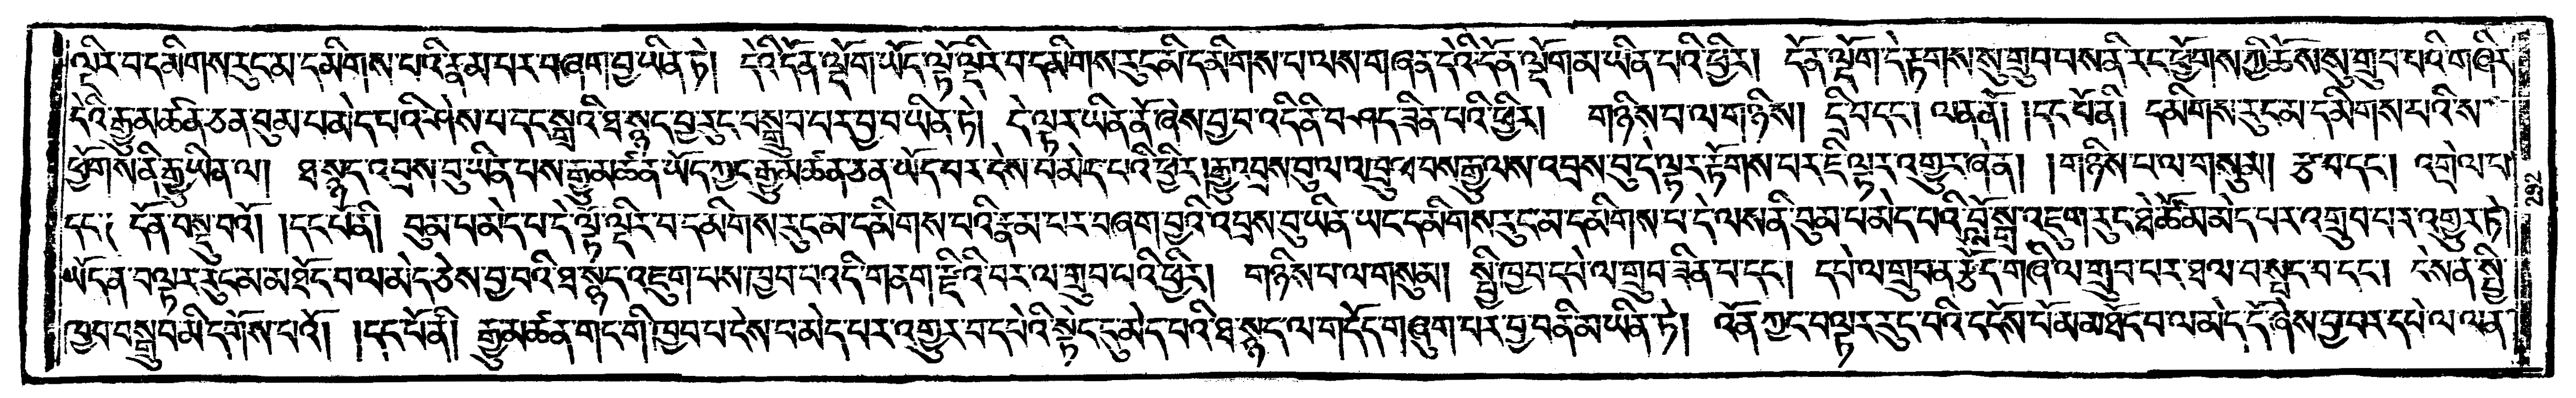ལྡིར་བ་དམིགས་རུང་མ་དམིགས་པའི་རྣམ་པར་བཞག་བྱ་ཡིན་ཏེ། དེའི་དོན་ལྡོག་ཡོད་ལྟོ་ལྡིར་བ་དམིགས་རུང་མི་དམིགས་པ་ལས་གཞན་དེའི་དོན་ལྡོག་མ་ཡིན་པའི་ཕྱིར། དོན་ལྡོག་དེ་རྟགས་སུ་གྲུབ་པས་ནི་རང་ཕྱོགས་ཀྱི་ཆོས་སུ་གྲུབ་པའི་གཞིར་
དེའི་རྒྱུ་མཚན་ཅན་བུམ་པ་མེད་པའི་ཤེས་པ་དང་སྒྲའི་ཐ་སྙད་བྱ་རུང་བསྒྲུབ་པར་བྱ་བ་ཡིན་ཏེ། དེ་ལྟར་ཡིན་ནོ་ཞེས་བྱ་བ་འདི་ནི་བཤད་ཟིན་པའི་ཕྱིར། གཉིས་པ་ལ་གཉིས། དྲི་བ་དང་། ལན་ནོ། །དང་པོ་ནི། དམིགས་རུང་མ་དམིགས་པའི་ས་
ཕྱོགས་ནི་རྒྱུ་ཡིན་ལ། ཐ་སྙད་འབྲས་བུ་ཡིན་པས་རྒྱུ་མཚན་ཡོད་ཀྱང་རྒྱུ་མཚན་ཅན་ཡོད་པར་དེས་པ་མེད་པའི་ཕྱིར། རྒྱུ་འབྲས་བུ་ལ་འཁྲུལ་བས་རྒྱུ་ལས་འབྲས་བུ་དེ་ལྟར་རྟོགས་པར་ཇི་ལྟར་འགྱུར་ཞེ་ན། །གཉིས་པ་ལ་གསུམ། རྩ་བ་དང་། འགྲེལ་པ་
དང༑ དོན་བསྡུ་བའོ། །དང་པོ་ནི། བུམ་པ་མེད་པ་དེ་ལྟོ་ལྡིར་བ་དམིགས་རུང་མ་དམིགས་བའི་རྣམ་པར་བཞག་བྱའི་འབྲས་བུ་ཡིན་ཡང་དམིགས་རུང་མ་དམིགས་པ་དེ་ལས་ནི་བུམ་པ་མེད་པའི་བློ་སྒྲ་འཇུག་རུང་ཐེ་ཚོམ་མེད་པར་འགྲུབ་པར་འགྱུར་ཏེ།
ཡོད་ན་བལྟར་རུང་མ་མཐོང་བ་ལ་མེད་ཅེས་བྱ་བའི་ཐ་སྙད་འཇུག་པས་ཁྱབ་པ་འདི་གནག་རྫིའི་བར་ལ་གྲུབ་པའི་ཕྱིར། གཉིས་པ་ལ་གསུམ། སྤྱི་ཁྱབ་དཔེ་ལ་གྲུབ་ཟིན་པ་དང་། དཔེ་ལ་གྲུབ་ན་རྩོད་གཞི་ལ་གྲུབ་པར་ཐལ་བ་སྤང་བ་དང་། ངེས་ན་སྤྱི་
ཁྱབ་བསྒྲུབ་མི་དགོས་པའོ། །དང་པོ་ནི། རྒྱུ་མཚན་གང་གི་ཁྱབ་པ་ངེས་བ་མེད་པར་འགྱུར་བ་དཔེའི་སྟེང་དུ་མེད་པའི་ཐ་སྙད་ལ་གདོད་གཞུག་པར་བྱ་བ་ནི་མ་ཡིན་ཏེ། འོན་ཀྱང་བལྟར་རུང་བའི་དངོས་པོ་མ་མཐོང་བ་ལ་མེད་དོ་ཞེས་བྱ་བར་དཔེ་ལ་ལན་